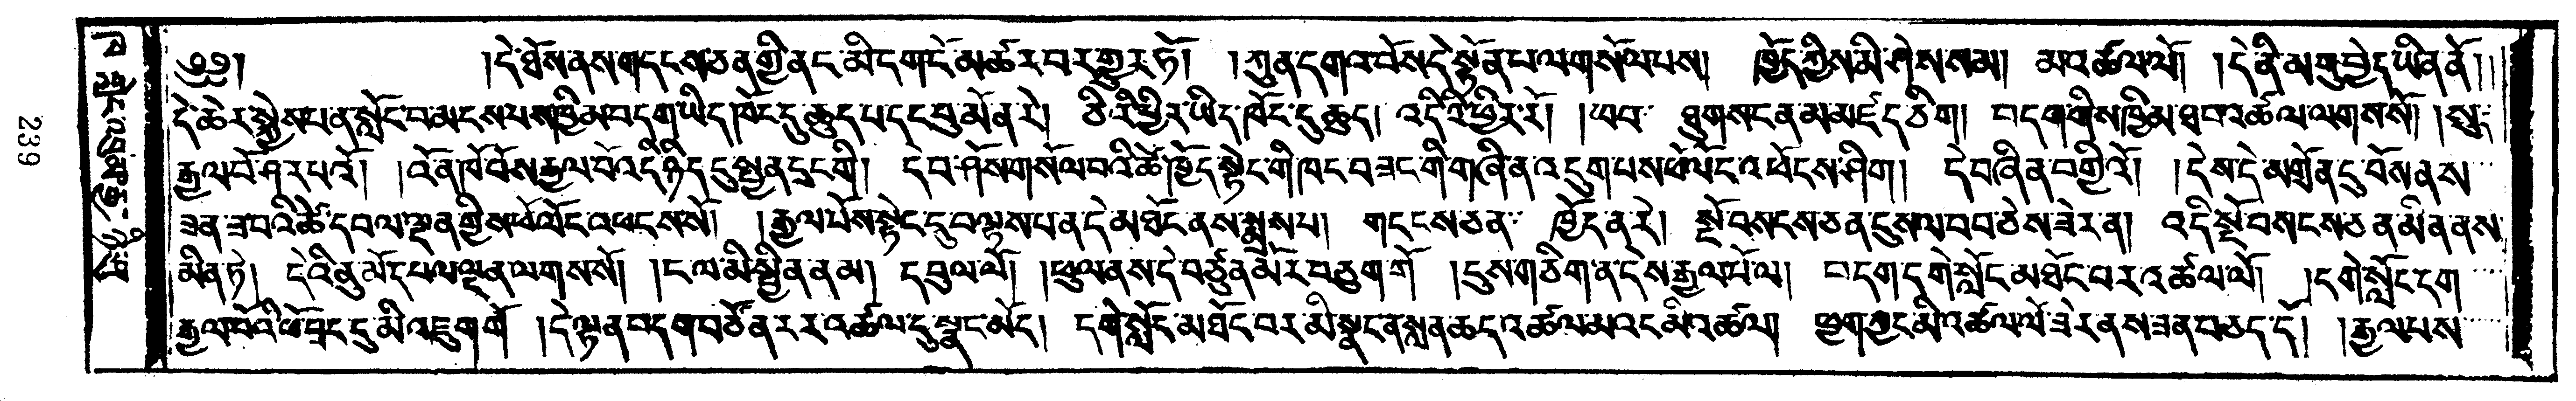༄༅། །དེ་ཐོས་ནས་གདངས་ཅན་གྱི་ནང་མི་དག་ངོ་མཚར་བར་གྱུར་ཏོ། །ཀུན་དགའ་བོས་དེ་སྟོན་པ་ལ་གསོལ་པས། ཁྱོད་ཀྱིས་མི་ཤེས་སམ། མ་འཚལ་ལོ། །དེ་ནི་མགུ་བྱེད་ཡིན་ནོ། །
དེ་ཆེར་སྐྱེས་པ་ན་སློང་བ་མངས་པས་ཁྱིམ་བདག་ཡིད་ཁོང་དུ་ཆུད་པ་དང་བུ་མོ་ན་རེ། ཅི་རི་ཕྱིར་ཡིད་ཁོང་དུ་ཆུད། འདིའི་ཕྱིར་རོ། །ཕབཿ ཐུགས་ངན་མ་མཛད་ཅིག། བདག་གིས་ཁྱིམ་ཐབ་འཚལ་ལགས་སོ། །སུ༑
རྒྱལ་པོ་ཤར་པའོ། །འོ་ན་ཁོ་བོས་རྒྱལ་བོ་འདི་ཉིད་དུ་སྤྱན་དྲང་གི། དེབ་ཤོས་གསོལ་བའི་ཚེ་ཁྱོད་སྟེང་གི་ཁང་བཟང་གི་གཞི་ན་འདུག་པས་ཕོ་ལོང་འཕོངས་ཤིག། དེ་བཞིན་བགྱིའོ། །དེས་དེ་མགྲོན་དུ་བོས་ནས་
ཟན་ཟ་བའི་ཚེ་དཔལ་ལྡན་གྱིས་ཕོ་ལོང་འཕངས་སོ། །རྒྱལ་པོས་སྟེང་དུ་བལྟས་པ་ན་དེ་མཐོང་ནས་སྨྲས་པ། གདངས་ཅན་ཁྱོད་ན་རེ། སྔོ་བསངས་ཅན་དུས་ལ་བབ་ཅེས་ཟེར་ན། འདི་སྔོ་བསངས་ཅན་མིན་ནས་
མིན་ཏེ། དེའི་ནུ་མོ་དཔལ་ལྡན་ལགས་སོ། །ང་ལ་མི་སྦྱིན་ནམ། དབུལ་ལོ། །ཕུལ་ནས་དེ་བཙུན་མོར་བཅུག་གོ །དུས་གཅིག་ན་དེས་རྒྱལ་པོ་ལ། བདག་དགེ་སློང་མཐོང་བར་འཚལ་ལོ། །དགེ་སློང་དག་
རྒྱལ་པོའི་ཕོ་བྲང་དུ་མི་འཇུག་གོ །དེ་ལྟ་ན་བདག་བཙོན་རར་འཚལ་དུ་སྣང་མོང་། དགེ་སློང་མཐོང་བར་མི་སྣང་ན་སླན་ཆད་འཚལ་མའང་མི་འཚལ། ཕྱག་ཀྱང་མི་འཚལ་ལོ་ཟེར་ནས་ཟན་བཅད་དོ། །རྒྱལ་པས་